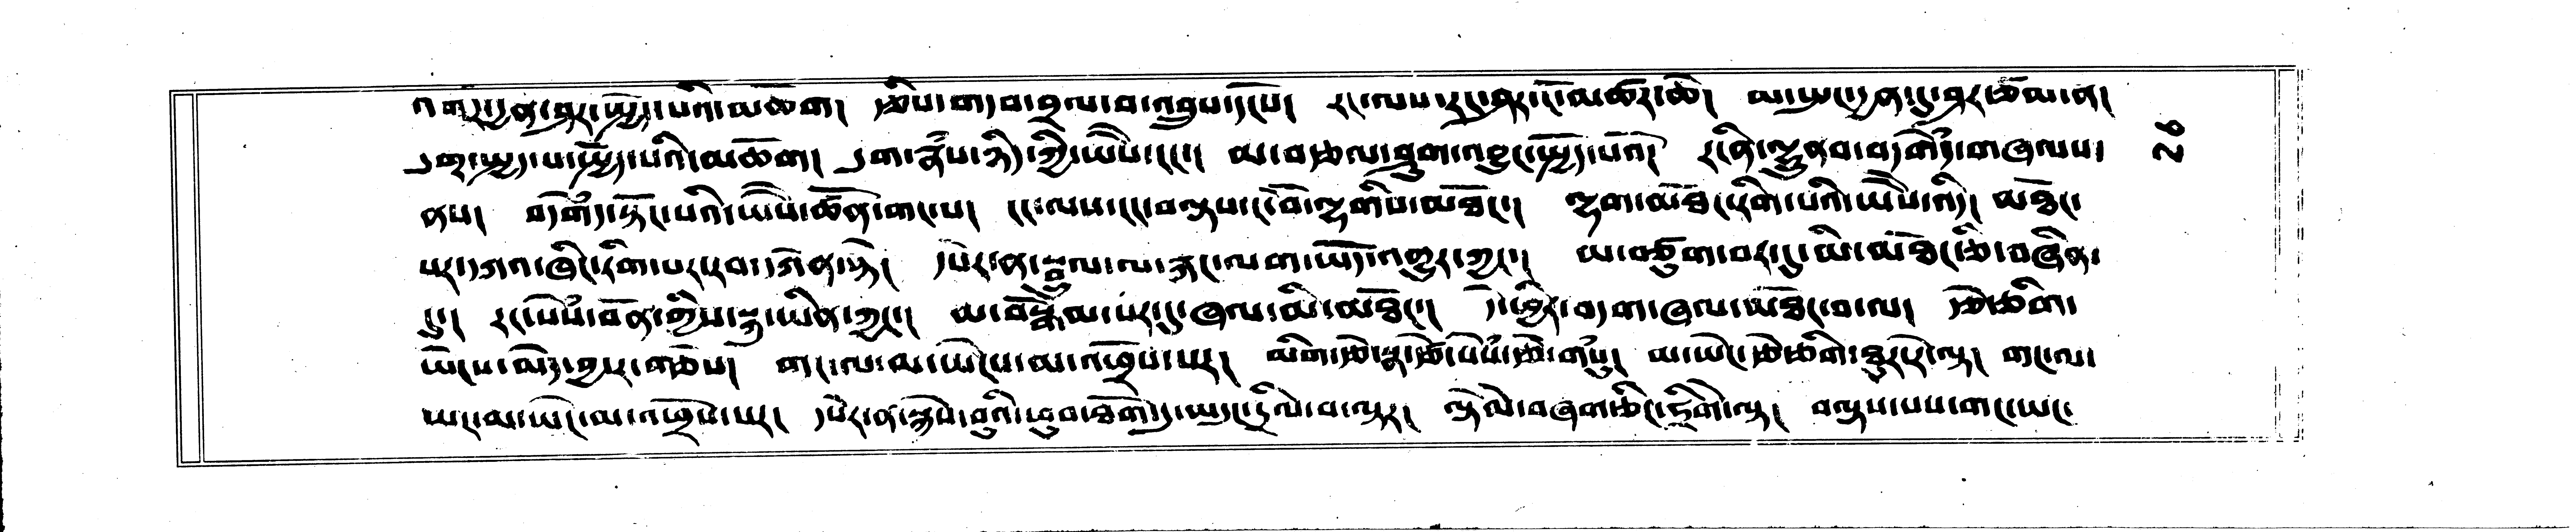འགག་རྒྱན་ཤར་སྤྱོད་པའི་མཆོག རྩིས་གདབ་བྲལ་བ་འབྲས་བུ་དངོས། རང་ལས་རང་ཤར་ངོ་མཚར་ཆེ། མ་སྤང་རྒྱན་དུ་ཤར་ཙམ་ན།
 དུག་ལྔ་སྤྱོད་པ་སྤྱད་པའི་མཆོག དུག་རྣམས་ཉིད་ཀྱི་ཡེ་ཤེས་ངང་། མ་བརྩལ་ཤུགས་འབྱངུ་ཤུགས་སྤྱོད་པའོ། །རང་བཞིན་ལྷུན་གྲུབ་བདག་མེད་གཞལ་ཡས་
ནས། བདག་མེད་སྟོང་པའི་ཡེ་ཤེས་ཚོན་གང་བ། ངང་ལས་ངང་བལྟས་ངོ་བོ་ལྷག་གིས་མཐོང་། ལྷག་མཐོང་རིག་པའི་ཡེ་ཤེས་འདི། མཐོང་
བར་དཀའ་ཞིང་རིག་པར་རབ་དཀོན་ཏེ། དཔེར་ན་སྦྲུལ་ལ་རྐང་ལག་ཡོད་འགྱུར་ཀྱང་། མ་བཙུགས་བར་དུ་མི་མཐོང་ཅི་བཞིན་
དུ། །རང་སེམས་བོན་གྱི་སྐུ་ཡིན་ཀྱང་། མ་བསྒོམ་བར་དུ་ཞལ་མི་མཐོང་། དེ་ཕྱིར་བདག་ཞལ་མཐོང་བ་ལ། རྩེ་གཅིག་
ཡེངས་མེད་བྱ་ར་གཅེས། གང་ལ་མ་ཡེངས་མ་འཕྲོས་པར། མིག་རྩེ་སྣ་རྩེ་སེམས་རྩེ་གསུམ། མ་ཡེངས་རྩེ་གཅིག་ཐུར་རེ་བལྟ། གང་ལ་
ཡང་མ་ཡེངས་མ་འཕྲོས་པར། དཔེར་ན་སྐྱེས་བུའི་ཕུབས་ཐོག་ཏུ་མདུང་དྲིལ་བ་ལྟར། ལྟེམ་མེ་བཞག་ཅིང་ཧྲིག་གེ་བལྟ། བལྟས་པས་གང་ཡང་